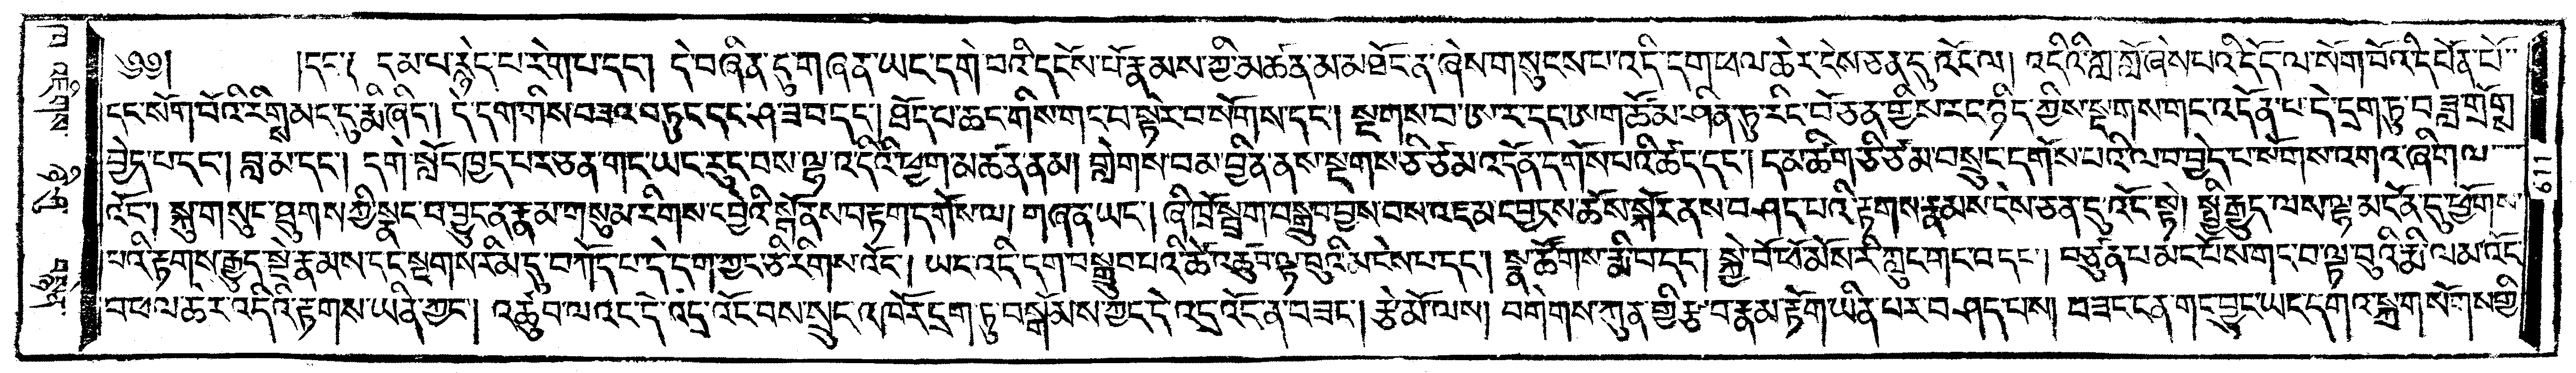༄༅། །དང༑ དམ་པ་རྙེད་པ་རེག་པ་དང་། དེ་བཞིན་དུ་གཞན་ཡང་དགེ་བའི་དངོས་པོ་རྣམས་ཀྱི་མཚན་མ་མཐོང་ན་ཞེས་གསུངས་པ་འདི་དག་ཕལ་ཆེར་ངེས་ཅན་དུ་འོང་ལ། འདིའི་ཀླ་ཀློ་ཞེས་པའི་དོད་ལ་སོག་པོའི་དཔོན་པོ་
དང་སོག་པོའི་རིགས་མང་དུ་རྨི་ཞིང་། དེ་དག་གིས་བཟའ་བཏུང་དང་ཤ་ཟབ་དང་། ཐོད་པ་ཆང་གིས་གང་བ་སྟེར་བ་སོགས་དང་། སྔགས་བ་ཨ་ར་དང་ཨག་ཚོམ་ཤིན་ཏུ་རིང་པོ་ཅན་གྱིས་རང་ཉིད་ཀྱིས་སྔགས་གང་འདོན་པ་དེ་དྲག་ཏུ་བཟླ་གྲོགས་
བྱེད་པ་དང་། བླ་མ་དང་། དགེ་སློང་ཁྱད་པར་ཅན་གང་ཡང་རུང་བས་ལྷ་འདིའི་ཕྱག་མཚན་ནམ། གླེགས་བམ་བྱིན་ནས་སྔགས་ཅི་ཙམ་འདོན་དགོས་པའི་ཚད་དང་། དམ་ཚིག་ཅི་ཙམ་བསྲུང་དགོས་པའི་ལ་བ་བྱེད་པ་སོགས་འགའ་ཞིག་ལ་
འོང་། སྐུ་གསུང་ཐུགས་ཀྱི་སྣང་བ་བྱུང་ན་རྣམ་གསུམ་རིགས་དབྱེའི་སྒོ་ནས་བརྟག་དགོས་ལ། གཞན་ཡང་། ཞི་ཁྲོ་སྦྲག་བསྒྲུབ་བྱས་པས་འཇམ་དབྱངས་ཆོས་སྐོར་ནས་བཤད་པའི་རྟགས་རྣམས་ངེས་ཅན་དུ་འོང་སྟེ། སྤྱི་རྒྱུད་ལས་ལྷ་མངོན་དུ་ཕྱོགས་
པའི་རྟགས་རྒྱུད་སྡེ་རྣམས་དང་སྔགས་རིམ་དུ་བཀོད་པ་དེ་དག་ཀྱང་ཅི་རིགས་འོང་། ཡང་འདི་དག་བསྒྲུབ་པའི་ཚེ་འཚུབ་ལྟ་བུའི་མ་ངེས་པ་དང་། སྣ་ཚོགས་རྨི་བ་དང་། སྐྱེ་བོ་ཕོ་མོས་རི་ཀླུང་གང་བ་དང་། བཙུན་པ་མང་པོས་གང་བ་ལྟ་བུའི་རྨི་ལམ་འོང་
བ་ཕལ་ཆེར་འདིའི་རྟགས་ཡིན་ཀྱང་། འཚུབ་ལའང་དེ་འདྲ་འོང་བས་སྲུང་འཁོར་དྲག་ཏུ་བསྒོམས་ཀྱང་དེ་འདྲ་འོང་ན་བཟང་། རྩེ་མོ་ལས། བགེགས་ཀུན་གྱི་རྩ་བ་རྣམ་རྟོག་ཡིན་པར་བཤས་པས། བཟང་ངན་གང་བྱུང་ཡང་དགའ་སྐྲག་སོགས་གྱི་